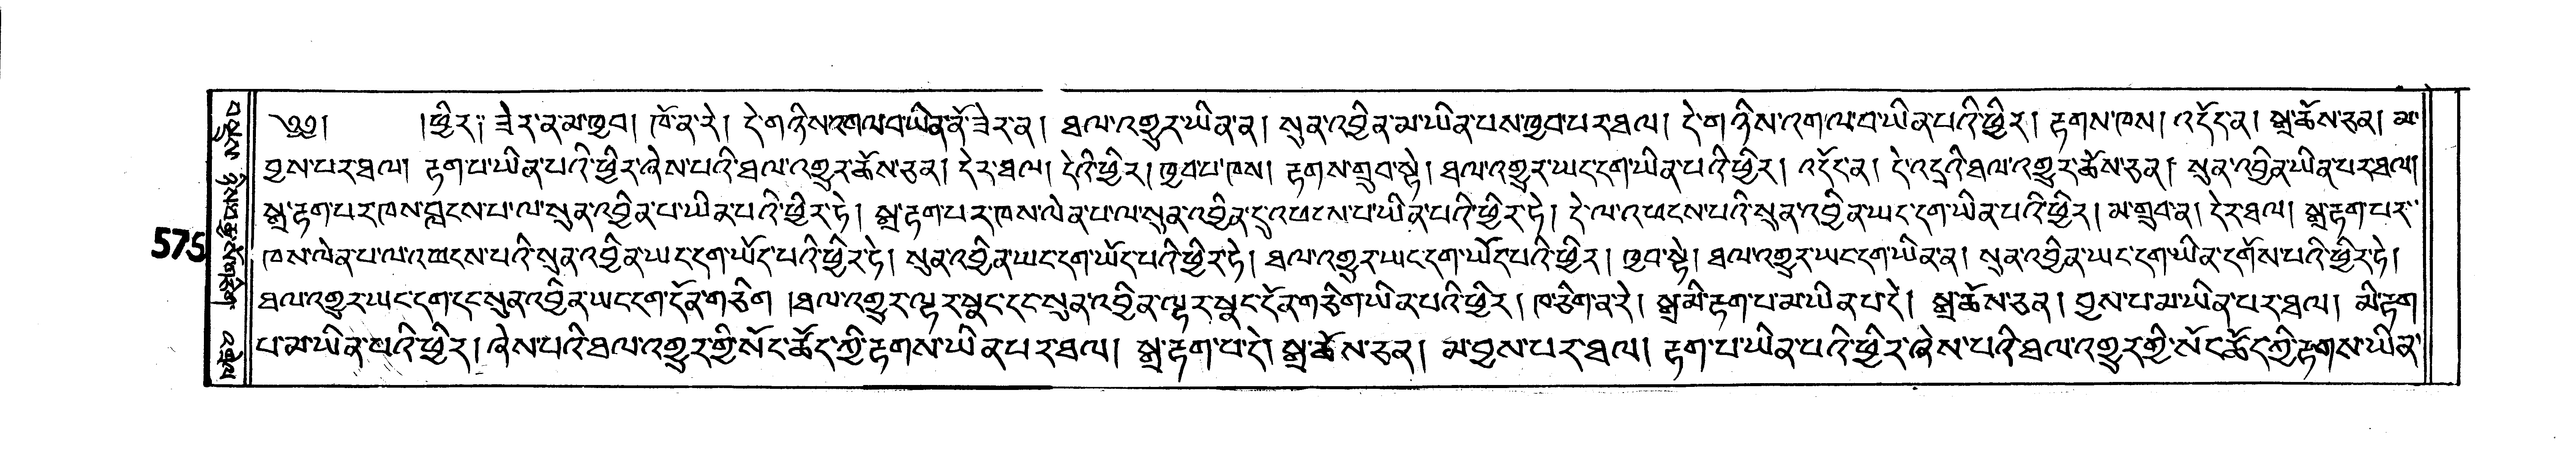༄༅། །ཕྱིར༑ ཟེར་ན་མ་ཁྱབ། ཁོ་ན་རེ། དེ་གཉིས་འགལ་བ་ཡིན་ནོ་ཟེར་ན། ཐལ་འགྱུར་ཡིན་ན། སུན་འབྱིན་མ་ཡིན་པས་ཁྱབ་པར་ཐལ། དེ་གཉིས་འགལ་བ་ཡིན་པའི་ཕྱིར། རྟགས་ཁས། འདོད་ན། སྒྲ་ཆོས་ཅན། མ་
བྱས་པར་ཐལ། རྟག་པ་ཡིན་པའི་ཕྱིར་ཞེས་པའི་ཐལ་འགྱུར་ཆོས་ཅན། དེར་ཐལ། དེའི་ཕྱིར། ཁྱབ་པ་ཁས། རྟགས་གྲུབ་སྟེ། ཐལ་འགྱུར་ཡང་དག་ཡིན་པའི་ཕྱིར། འདོད་ན། དེ་འདྲའི་ཐལ་འགྱུར་ཆོས་ཅན། སུན་འབྱིན་ཡིན་པར་ཐལ།
སྒྲ་རྟག་པར་ཁས་བླངས་པ་ལ་སུན་འབྱིན་པ་ཡིན་པའི་ཕྱིར་ཏེ། སྒྲ་རྟག་པར་ཁས་ལེན་པ་ལ་སུན་འབྱིན་དུ་འཕངས་པ་ཡིན་པའི་ཕྱིར་ཏེ། དེ་ལ་འཕངས་པའི་སུན་འབྱིན་ཡང་དག་ཡིན་པའི་ཕྱིར། མ་གྲུབ་ན། དེར་ཐལ། སྒྲ་རྟག་པར་
ཁས་ལེན་པ་ལ་འཕངས་པའི་སུན་འབྱིན་ཡང་དག་ཡོད་པའི་ཕྱིར་ཏེ། སུན་འབྱིན་ཡང་དག་ཡོད་པའི་ཕྱིར་ཏེ། ཐལ་འགྱུར་ཡང་དག་ཡོད་པའི་ཕྱིར། ཁྱབ་སྟེ། ཐལ་འགྱུར་ཡང་དག་ཡིན་ན། སུན་འབྱིན་ཡང་དག་ཡིན་དགོས་པའི་ཕྱིར་ཏེ།
ཐལ་འགྱུར་ཡང་དག་དང་སུན་འབྱིན་ཡང་དག་དོན་གཅིག །ཐལ་འགྱུར་ལྟར་སྣང་དང་སུན་འབྱིན་ལྷར་སྣང་དོན་གཅིག་ཡིན་པའི་ཕྱིར། ཁ་ཅིག་ན་རེ། སྒྲ་མི་རྟག་པ་མ་ཡིན་པ་དེ། སྒྲ་ཆོས་ཅན། བྱས་པ་མ་ཡིན་པར་ཐལ། མི་རྟག་
པ་མ་ཡིན་པའི་ཕྱིར། ཞེས་པའི་ཐལ་འགྱུར་གྱི་སོང་ཚོད་ཀྱི་རྟགས་ཡིན་པར་ཐལ། སྒྲ་རྟག་པ་དེ། སྒྲ་ཆོས་ཅན། མ་བྱས་པར་ཐལ། རྟག་པ་ཡིན་པའི་ཕྱིར་ཞེས་པའི་ཐལ་འགྱུར་གྱི་སོང་ཚོད་ཀྱི་རྟགས་ཡིན་